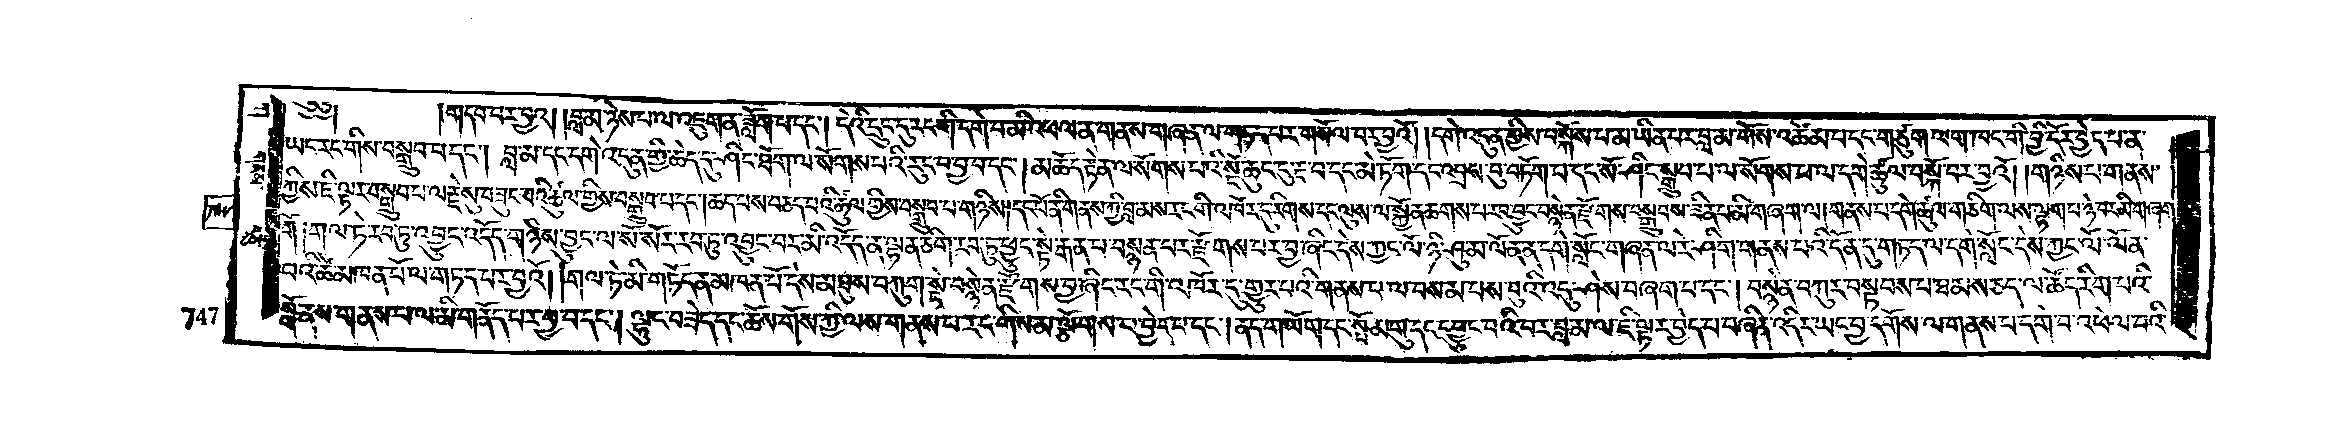༄༅། །གདབ་པར་བྱའོ། །བླ་མ་ཉེས་པ་ལ་འཇུག་ན་ཟློག་པ་དང་། དེའི་དྲུང་དུ་རང་གི་དགེ་བ་མི་འཕལ་ན་གནས་གཞན་ལ་གཏད་པར་གསོལ་བར་བྱའོ། །དགེ་འདུན་གྱིས་བསྐོས་པ་མ་ཡིན་པར་བླ་མ་གོས་འཚེམ་པ་དང་གཙུག་ལག་ཁང་གི་བྱི་དོར་བྱེད་པ་ན་
ཡང་རང་གིས་བསྒྲུབ་པ་དང་། བླ་མ་དང་དགེ་འདུན་གྱི་ཆེད་དུ་ཤིང་ཐོག་ལ་སོགས་པའི་རུང་བ་བྱ་བ་དང་། མཆོད་རྟེན་ལ་སོགས་པའི་སྔོ་ཆུང་ངུ་རྔ་བ་དང་མེ་ཏོག་དང་འབྲས་བུ་བཏོག་པ་དང་སོ་ཤིང་སྒྲུབ་པ་ལ་སོགས་པ་ལ་དགེ་ཚུལ་བསྐོ་བར་བྱའོ། །གཉིས་པ་གནས་
ཀྱིས་ཇི་ལྟར་བསྒྲུབ་པ་ལ་རྗེས་སུ་བཟུང་བའི་ཚུལ་གྱིས་བསྒྲུབ་པ་དང་། ཆད་པས་བཅད་པའི་ཚུལ་གྱིས་བསྒྲུབ་པ་གཉིས། དང་པོ་ནི་གནས་ཀྱི་བླ་མས་རང་གི་འཁོར་དུ་རིགས་དང་ལུས་ལ་སྐྱོན་ཆགས་པ་རབ་བྱུང་བསྙེན་རྫོགས་བསྒྲུབས་ཟིན་པ་མི་གཞག་ལ། གནས་པ་དགེ་ཚུལ་གཅིག་ལས་ལྷག་པ་ཉེ་བར་མི་གཞག་
གོ །གལ་ཏེ་རབ་ཏུ་འབྱུང་འདོད་གཉིས་བྱུང་ལ་སོ་སོར་རབ་ཏུ་འབྱུང་བར་མི་འདོད་ན་ལྷན་ཅིག་རབ་ཏུ་ཕྱུང་སྟེ་རྒན་པ་བསྙན་པར་རྫོགས་པར་བྱ་ཞིང་དེས་ཀྱང་ལོ་ཉི་ཤུ་མ་ལོན་ན་དགེ་སློང་གཞན་ལ་རེ་ཤིག་གནས་པའི་དོན་དུ་གཏད་ལ་དགེ་སློང་དེས་ཀྱང་ལོ་ལོན་
པའི་ཚེ་མཁན་པོ་ལ་གཏད་པར་བྱའོ། །གལ་ཏེ་མི་གཏོད་ན་མཁན་པོ་དེས་མཐུས་བཀུག་སྟེ་བསྙེན་རྫོགས་བྱ་ཞིང་རང་གི་འཁོར་དུ་གྱུར་པའི་གནས་པ་ལ་བསམ་པས་བུའི་འདུ་ཤེས་བཞག་པ་དང་། བསྙེན་བཀུར་བསྟབས་པ་ཐམས་ཅད་ལ་ཚོད་རིག་པའི་
སྒོ་ནས་གནས་པ་ལ་མི་གནོད་པར་བྱ་བ་དང་། ལྷུང་བཟེད་དང་ཆོས་གོས་ཀྱི་ལས་གནས་པ་རང་གིས་མ་ལྕོགས་པ་བྱེད་པ་དང་། ནད་གཡོག་དང་སྤོམ་?་གུ་དང་དབྱུང་བའི་བར་བླ་མ་ལ་ཇི་ལྟར་བྱེད་པ་བཞིན་འདིར་ཡང་བྱ་དགོས་ལ་གནས་པ་དགེ་བ་འཕེལ་བའི་